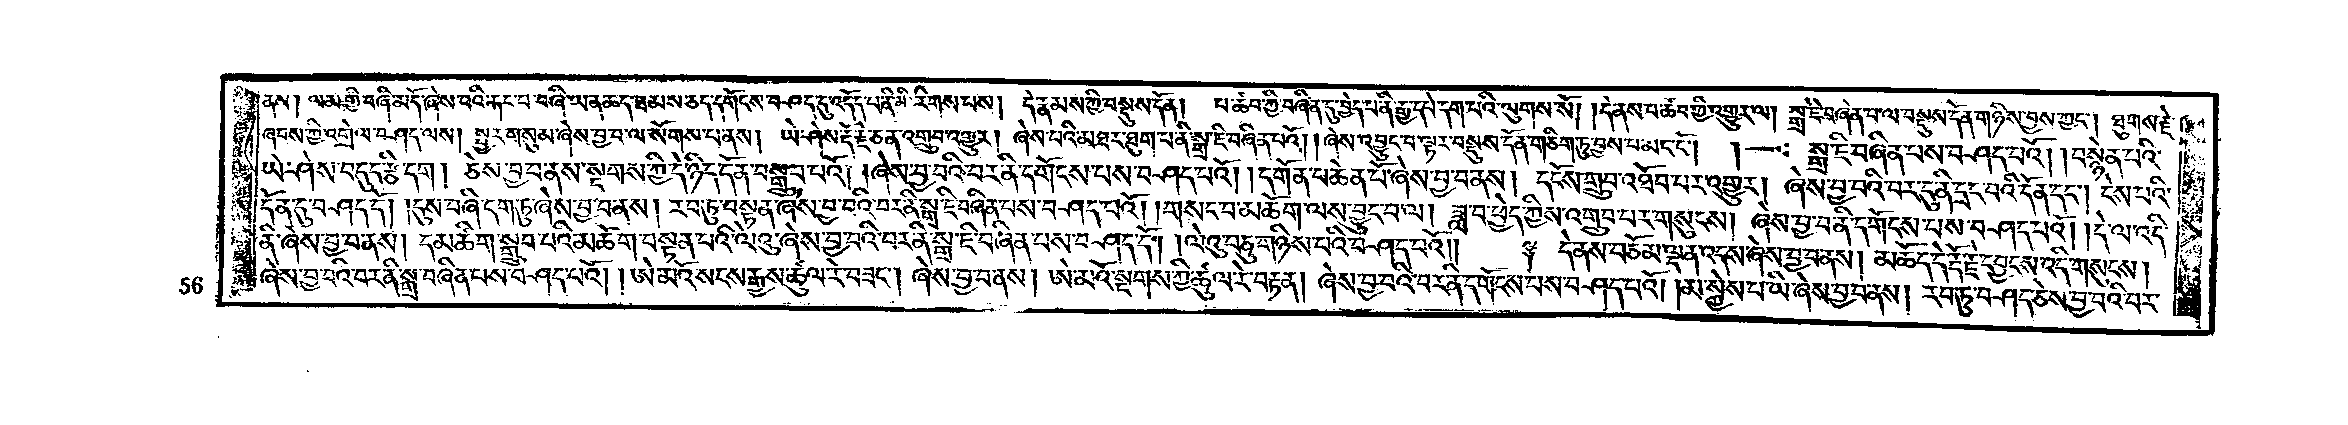ནས། ལམ་གྱི་བཞི་མདོ་ཞེས་པའི་རྐང་པ་བཞི་ཡན་ཆད་ཐམས་ཅད་དགོངས་བཤད་དུ་འདོད་པ་ནི་མི་རིགས་པས། དེ་རྣམས་ཀྱི་བསྡུས་དོན། པ་ཚབ་ཀྱི་བཞིན་དུ་བྱེད་པ་ནི་རྒྱ་དཔེ་དག་པའི་ལུགས་སོ། །དེ་ནས་པ་ཚབ་ཀྱི་འགྱུར་ལ། སྒྲ་ཇི་བཞིན་པ་ལ་བསྡུས་དོན་གཉིས་བྱས་ཀྱང་། ཐུགས་རྗེ་
ཞབས་ཀྱི་འགྲེལ་བཤད་ལས། སྦྱོར་གསུམ་ཞེས་བྱ་བ་ལ་སོགས་པ་ནས། ཡེ་ཤེས་རྡོ་རྗེ་ཅན་འགྲུབ་འགྱུར། ཞེས་པའི་མཐར་ཐུག་པ་ནི་སྒྲ་ཇི་བཞིན་པའོ། །ཞེས་འབྱུང་བ་ལྟར་བསྡུས་དོན་གཅིག་ཏུ་བྱས་པ་མང་ངོ། །.Hསྒྲ་ཇི་བཞིན་པས་བཤད་པའོ། །བསྙེན་པའི་
ཡེ་ཤེས་བདུད་རྩི་དག །ཅེས་བྱ་བ་ནས་སྔགས་ཀྱི་དེ་ཉིད་དོན་བསྒྲུབ་པའོ། །ཞེས་བྱ་བའི་བར་ནི་དགོངས་པས་བཤད་པའོ། །དགོན་པ་ཆེན་པོ་ཞེས་བྱ་བ་ནས། དངོས་གྲུབ་འཐོབ་པར་འགྱུར། ཞེས་བྱ་བའི་བར་དུ་ནི་དྲང་བའི་དོན་དང་། ངེས་པའི་
དོན་དུ་བཤད་དོ། །དུས་བཞི་དག་ཏུ་ཞེས་བྱ་བ་ནས། རབ་ཏུ་བསྟན་ཞེས་བྱ་བའི་བར་ནི་སྒྲ་ཇི་བཞིན་པས་བཤད་པའོ། །གསང་བ་མཆོག་ལས་བྱུང་བ་ལ། ཟླ་བ་ཕྱེད་ཀྱིས་འགྲུབ་པར་གསུངས། ཞེས་བྱ་བ་ནི་དགོངས་པས་བཤད་པའོ། །དེ་ལ་འདི་
ནི་ཞེས་བྱ་བ་ནས། དམ་ཚིག་སྒྲུབ་པའི་མཆོག་བསྟན་པའི་ལེའུ་ཞེས་བྱ་བའི་བར་ནི་སྒྲ་ཇི་བཞིན་པས་བཤད་དོ། །ལེའུ་བཅུ་གཉིས་པའི་བཤད་པའོ།། ༈ དེ་ནས་བཅོམ་ལྡན་འདས་ཞེས་བྱ་བ་ནས། མཆོད་དེ་རྡོ་རྗེ་དབྱངས་འདི་གསུངས།
ཞེས་བྱ་བའི་བར་ནི་སྒྲ་བཞིན་པས་བཤད་པའོ། །ཨེ་མའོ་སངས་རྒྱས་ཚུལ་རེ་བཟང་། ཞེས་བྱ་བ་ནས། ཨེ་མའི་སྔགས་ཀྱི་ཚུལ་རེ་བརྟན། ཞེས་བྱ་བའི་བར་ནི་དགོངས་པས་བཤད་པའོ། །མ་སྐྱེས་པ་ཡི་ཞེས་བྱ་བ་ནས། རབ་ཏུ་བཤད་ཅེས་བྱ་བའི་བར་